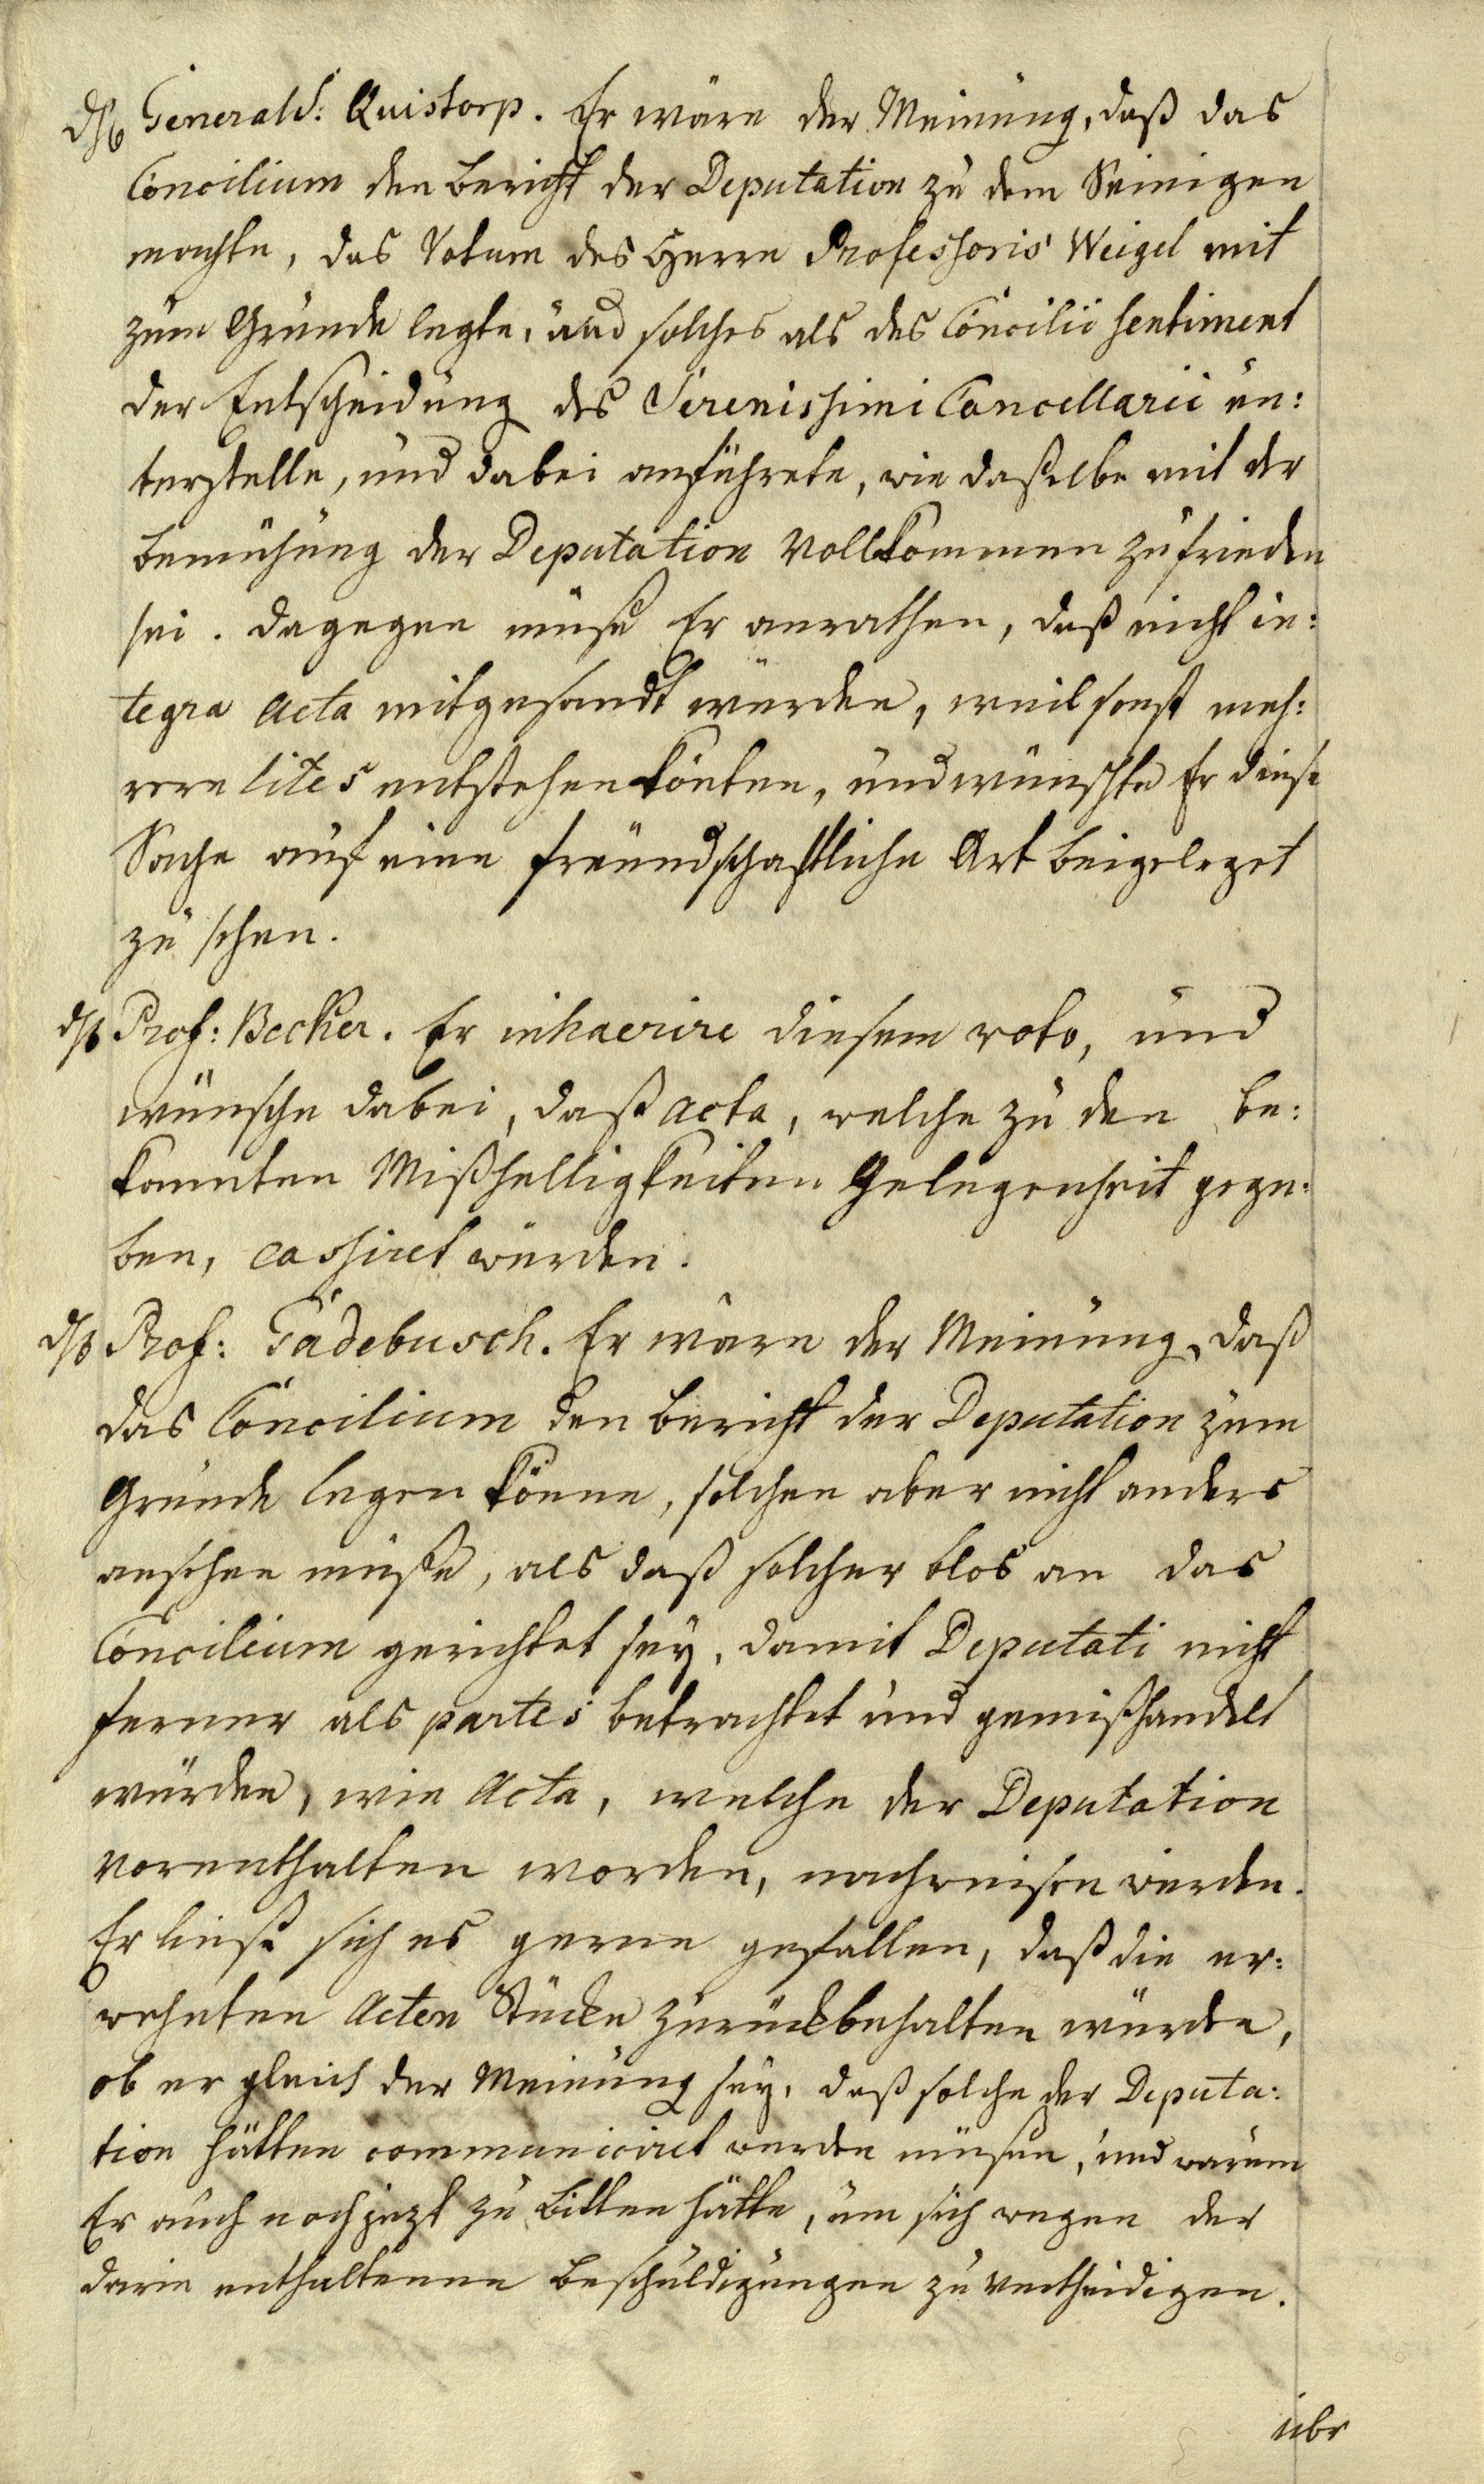dh Generals: Quistorp. Er wäre der Meinung, daß das
Concilium den Bericht der Deputation zu dem Seinigen
machte, das Votum des Herrn Professoris Weigel mit
zum Grunde legte, und solches als des Concilii sentiment
der Entscheidung des Serenissimi Cancellarii un¬
terstelle, und dabei anführete, wie daßelbe mit der
Bemühung der Deputation vollkommen zufrieden
sei. Dagegen müße Er anrathen, daß nicht in¬
tegra Acta mitgesandt würden, weil sonst meh¬
rer lites entstehen könten, und wünschte Er diese
Sache auf eine freundschaftliche Art beigeleget
zu sehen.
dh Prof: Becker. Er inhaerire diesem voto, und
wünsche dabei, daß acta, welche zu den be¬
kannten Mißhelligkeiten Gelegenheit gege¬
ben, cassiret würden.
dh Prof: Gadebusch. Er wäre der Meinung, daß
das Concilium den Bericht der Deputation zum
Grunde legen könne, solchen aber nicht anders
ansehen müße, als daß solcher blos an das
Concilium gerichtet seÿ, damit Deputati nicht
ferner als partes betrachtet und gemißhandelt
würden, wie Acta, welche der Deputation
vorenthalten worden, nachweisen würden.
Er ließe sich es gerne gefallen, daß die er¬
wehnten Acten Stücke zurückbehalten würden,
ob er gleich der Meinung seÿ, daß solche der Deputa¬
tion hätten communicieret werden müßen, und warum
Er auch noch jezt zu bitten hätte, um sich wegen der
darin enthaltenen Beschuldigungen zu vertheidigen.
übr.